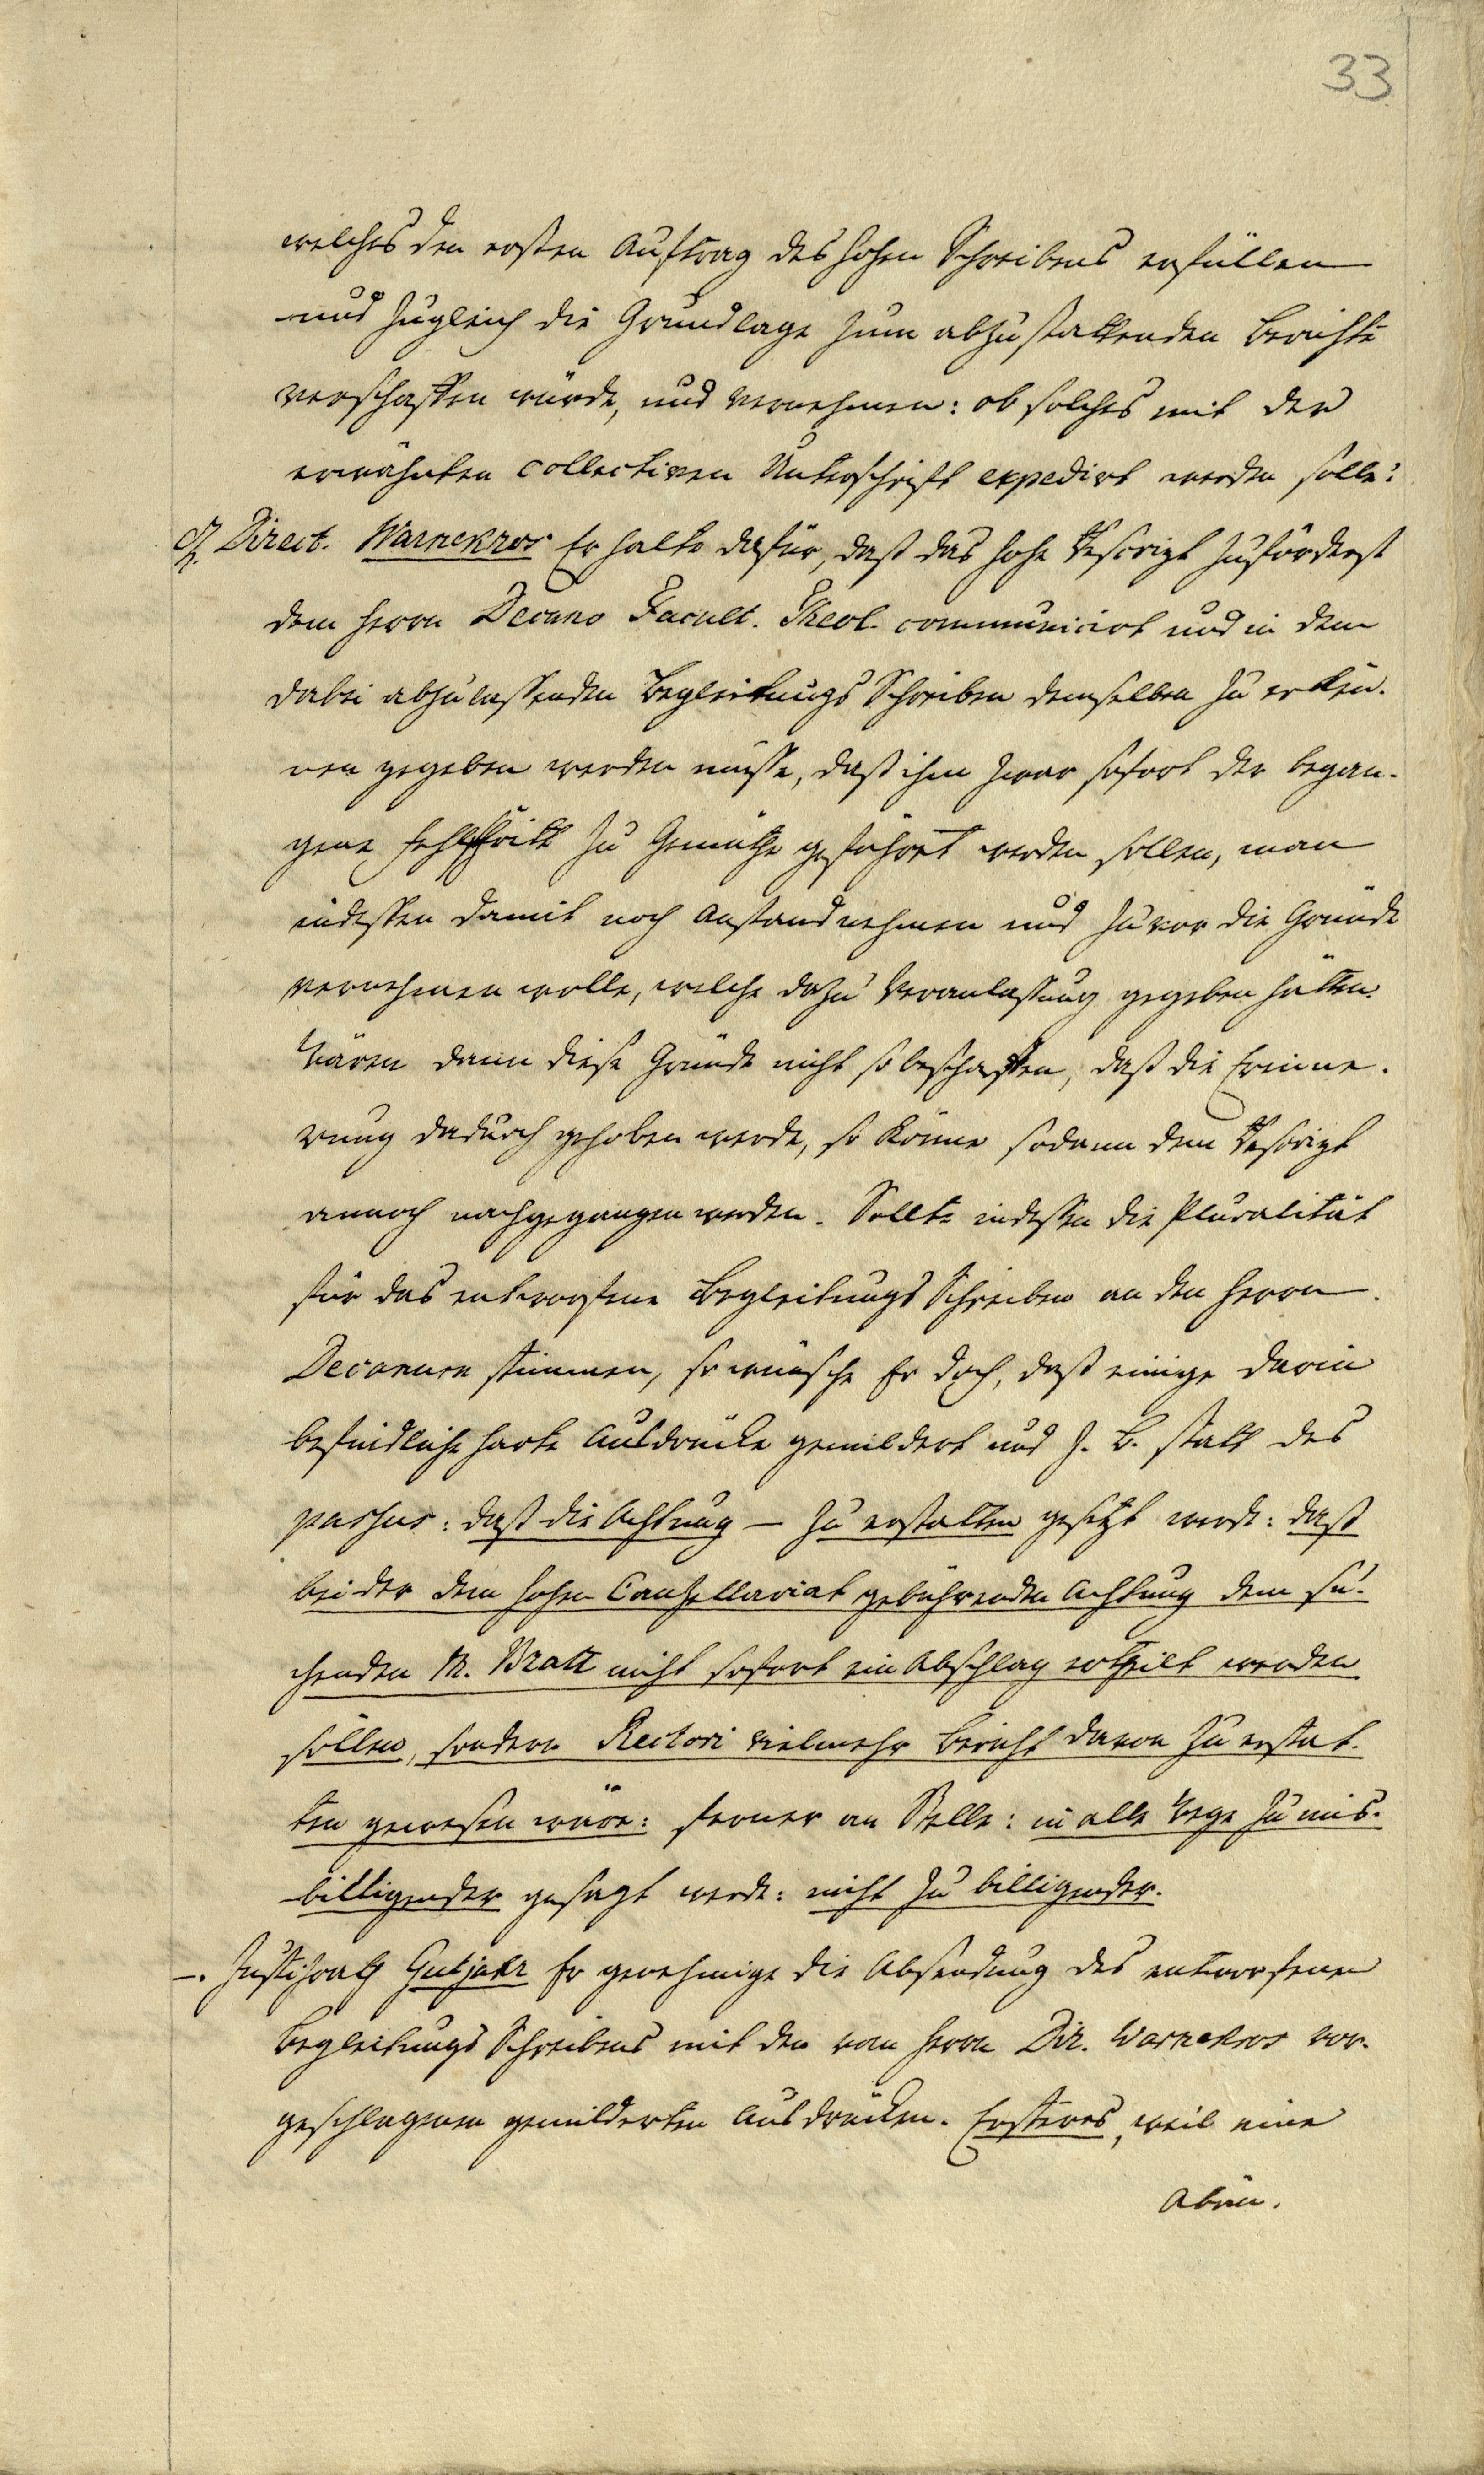welches den ersten Auftrag des hohen Schreibens erfüllen
und zugleich die Grundlage zum abzustattenden Berichte
verschaffen würde, und vernehmen: ob solches mit der
erwähnten collectiven Unterschrift expedirt werden solle?
dh Direct. Warnekros Er halte dafür, daß das hohe Rescript zuförderst
dem Herrn Decano Facult. Theol. communicirt und in dem
dabei abzulassenden Begleitungs Schreiben demselben zu erken¬
nen gegeben werden müsse, daß ihm zwar sofort der began¬
gene Fehltritt zu Gemüthe geführet werden sollen, man
indessen damit noch Anstand nehmen und zuvor die Gründe
vernehmen wolle, welche dazu Veranlassung gegeben hätten.
Wären dann diese Gründe nicht so beschaffen, daß die Erinne¬
rung dadurch gehoben werde, so könne sodann dem Rescript
annoch nachgegangen werden. Sollte indessen die Pluralität
für das entworfene Begleitungs Schreiben an den Herrn
Decanum stimmen, so wünsche Er doch, daß einige darin
befindliche harte Ausdrücke gemildert und z. B. statt des
passus: daß die Achtung - zu erstatten gesetzt werde: daß
bei der dem Hohen Canzellariat gebührenden Achtung dem su¬
chenden M. Bratt nicht sofort ein Abschlag ertheilt werden
sollen, sondern Rector vielmehr Bericht davon zuerstat¬
ten gewesen wäre: ferner an Stelle: in alle Wege zu mis¬
billigender gesagt werde: nicht zu billigender.
Justizrath Gutjahr Er genehmige die Absendung des entworfenen
Begleitungs Schreibens mit den von Herrn Dir. Warnekros vor¬
geschlagenen gemilderten Ausdrücken. Ersteres, weil eine
Abän¬